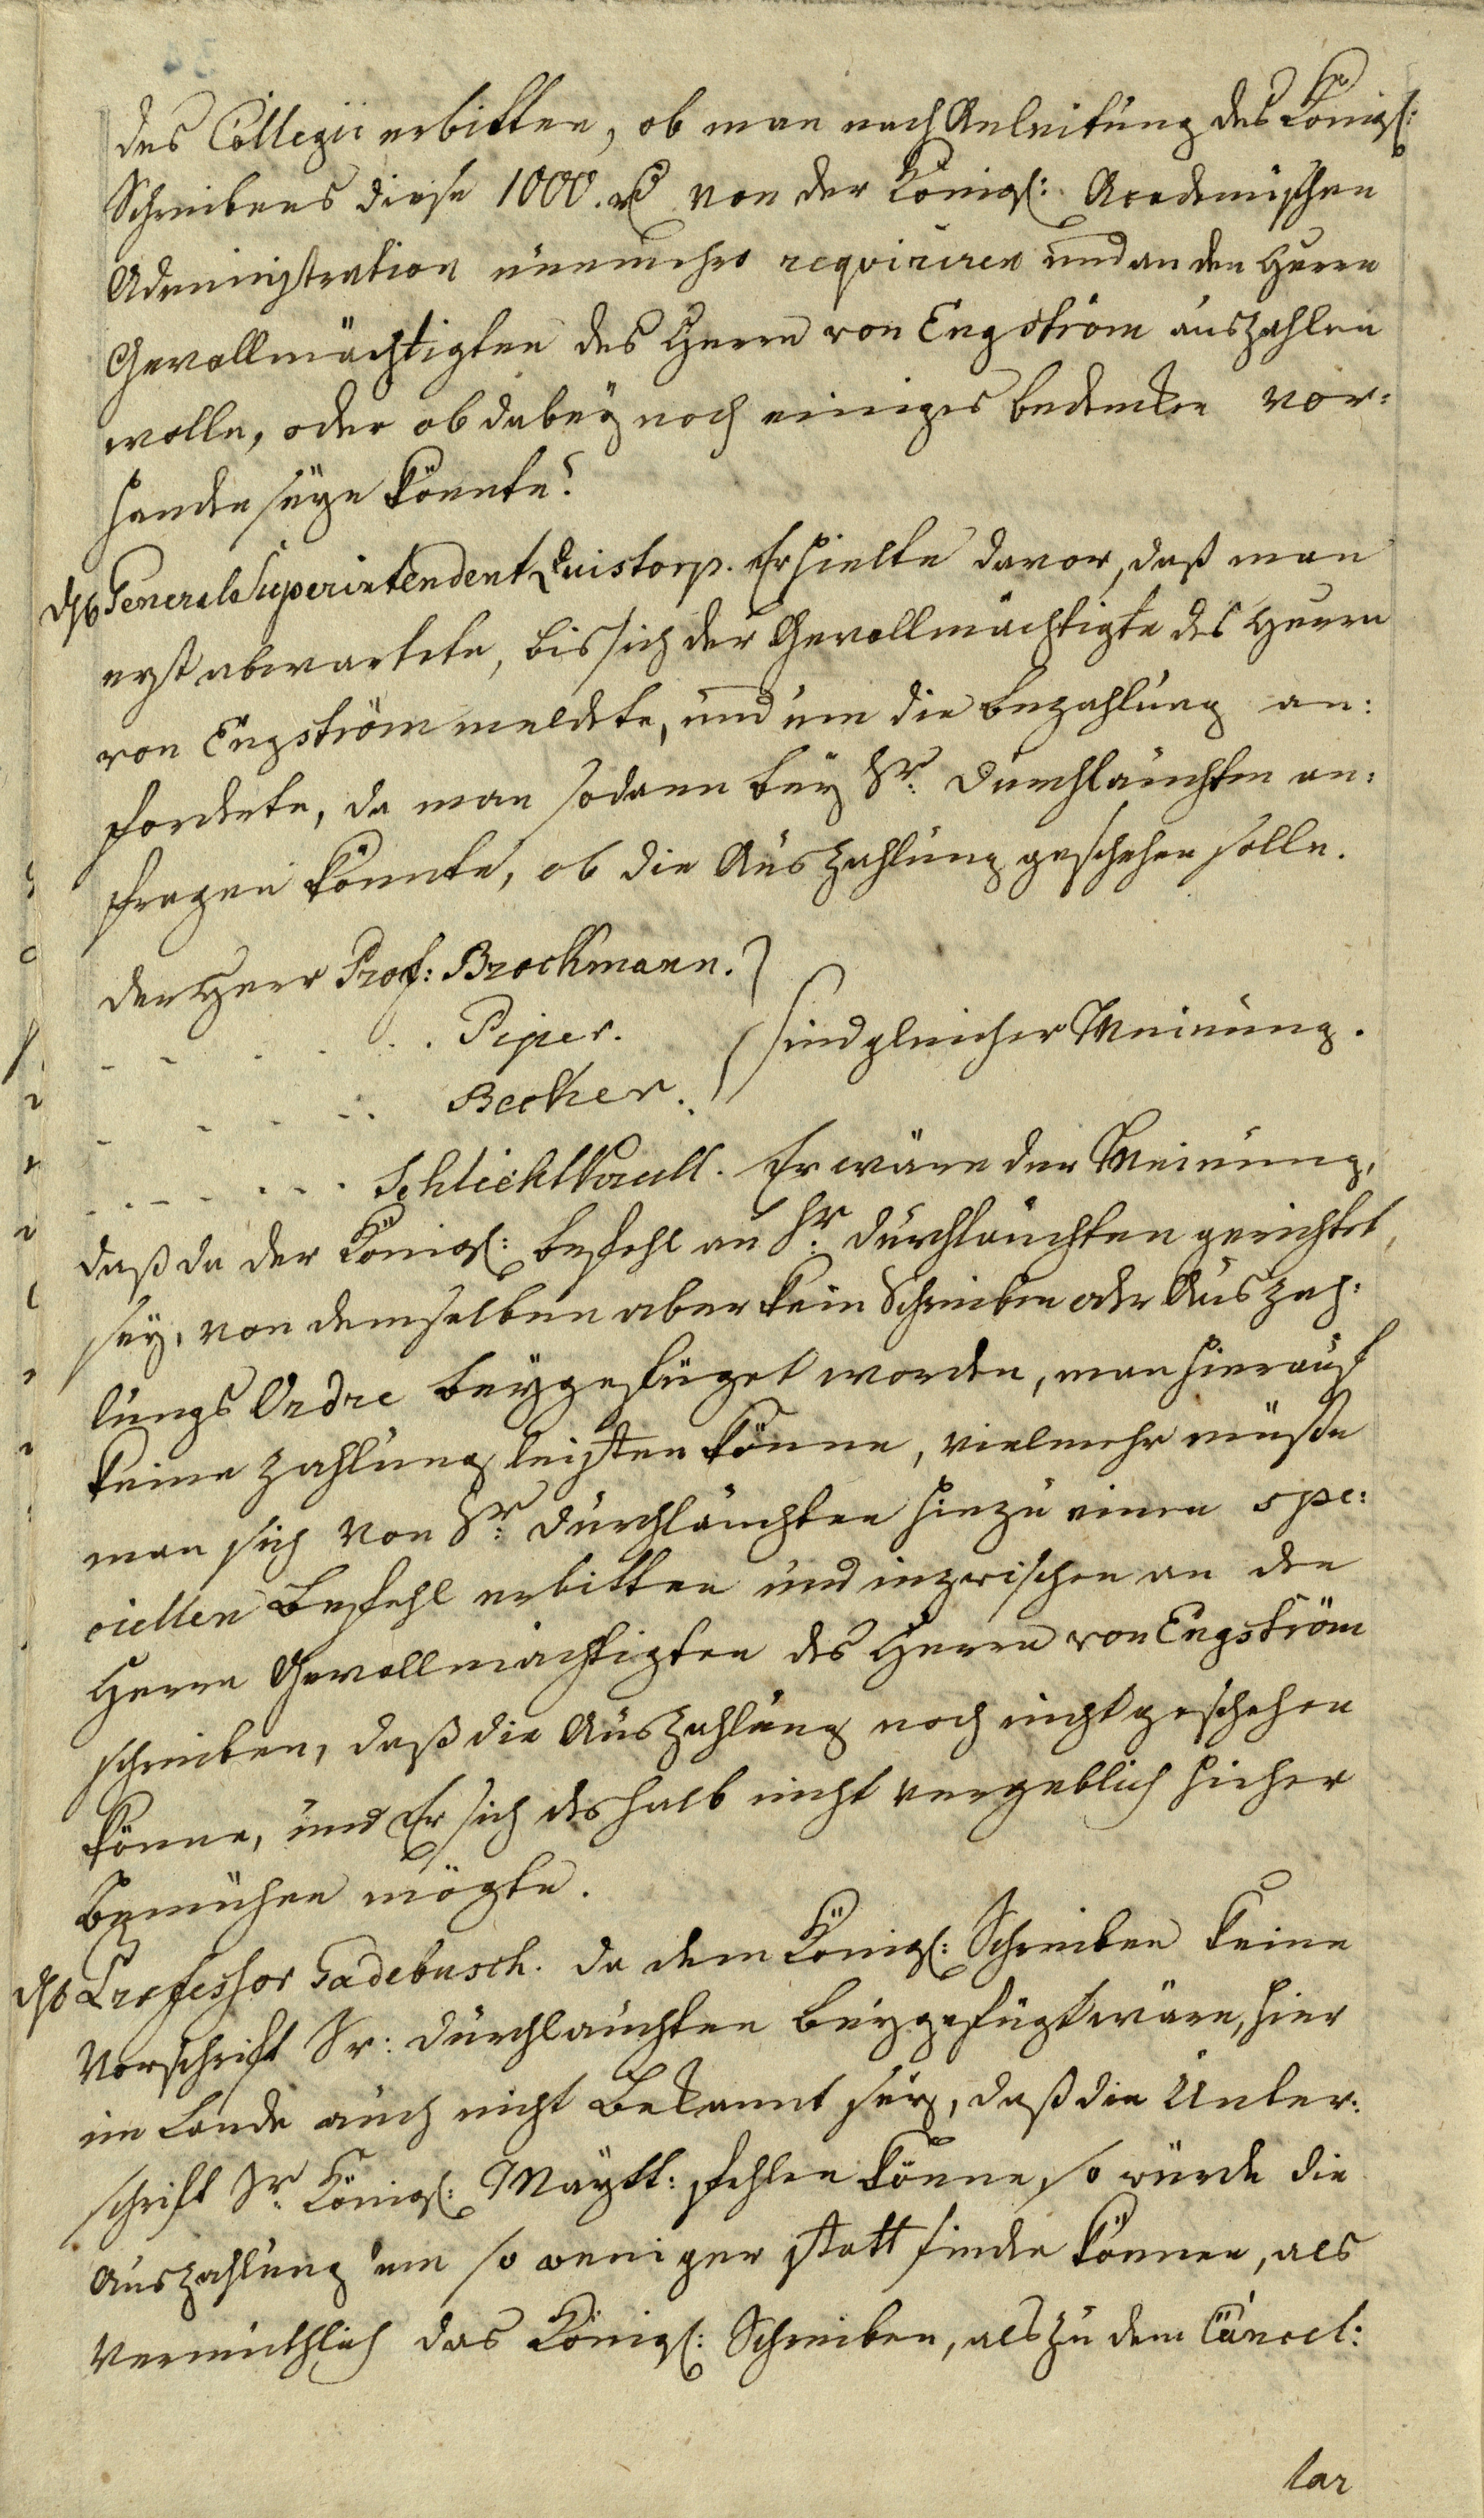das Collegii erbitten, ob man nach Anleitung des Königl.
Schreibens diese 1000.r. von der Königl. Academischen
Administration nunmehro requiriren und an den Herrn
Gevollmächtigten des Herrn von Engström auszahlen
wolle, oder ob dabeÿ noch einiges Bedencken vor¬
handen seÿn könnte?
dh. GeneralSuperintendent Quistorp. Er hielte davor, daß man
erst abwartete, bis sich der Gevollmächtigte des Herrn
von Engström meldete, und um die Bezahlung an¬
forderte, da man sodann beÿ Sr Durchlauchten an¬
fragen könnte, ob die Auszahlung geschehen solle.
der Herr Prof. Brockmann.
Piper sind gleicher Meinung.
Becker.
Schlichtkrull. Er wäre der Meinung,
daß da der Königl. Befehl an Sr Durchlauchten gerichtet,
seÿ, von demselben aber kein Schreiben oder Auszah¬
lungs Ordre beÿgefüget worden, man hierauf
keine Zahlung leisten könne, vielmehr müße
man sich von Sr Durchlauchten hiezu einen spe¬
ciellen Befehl erbitten und inzwischen den
Herrn Gevollmächtigten des Herrn von Engström
schreiben, daß die Auszahlung noch nicht geschehen
könne, und Er sich deshalb nicht vergeblich hieher
bemühen mögte.
dh. Professor Gadebusch. da dem Königl. Schreiben keine
Vorschrift Sr Durchlauchten beÿgefügt wäre, hier
im Lande auch nicht bekannt seÿ, daß die Unter¬
schrift Sr Königl. Maÿtt. fehlen könne, so würde die
Auszahlung um so weniger statt finden können, als
vermeintlich das Königl. Schreiben, als zu dem Cancel¬